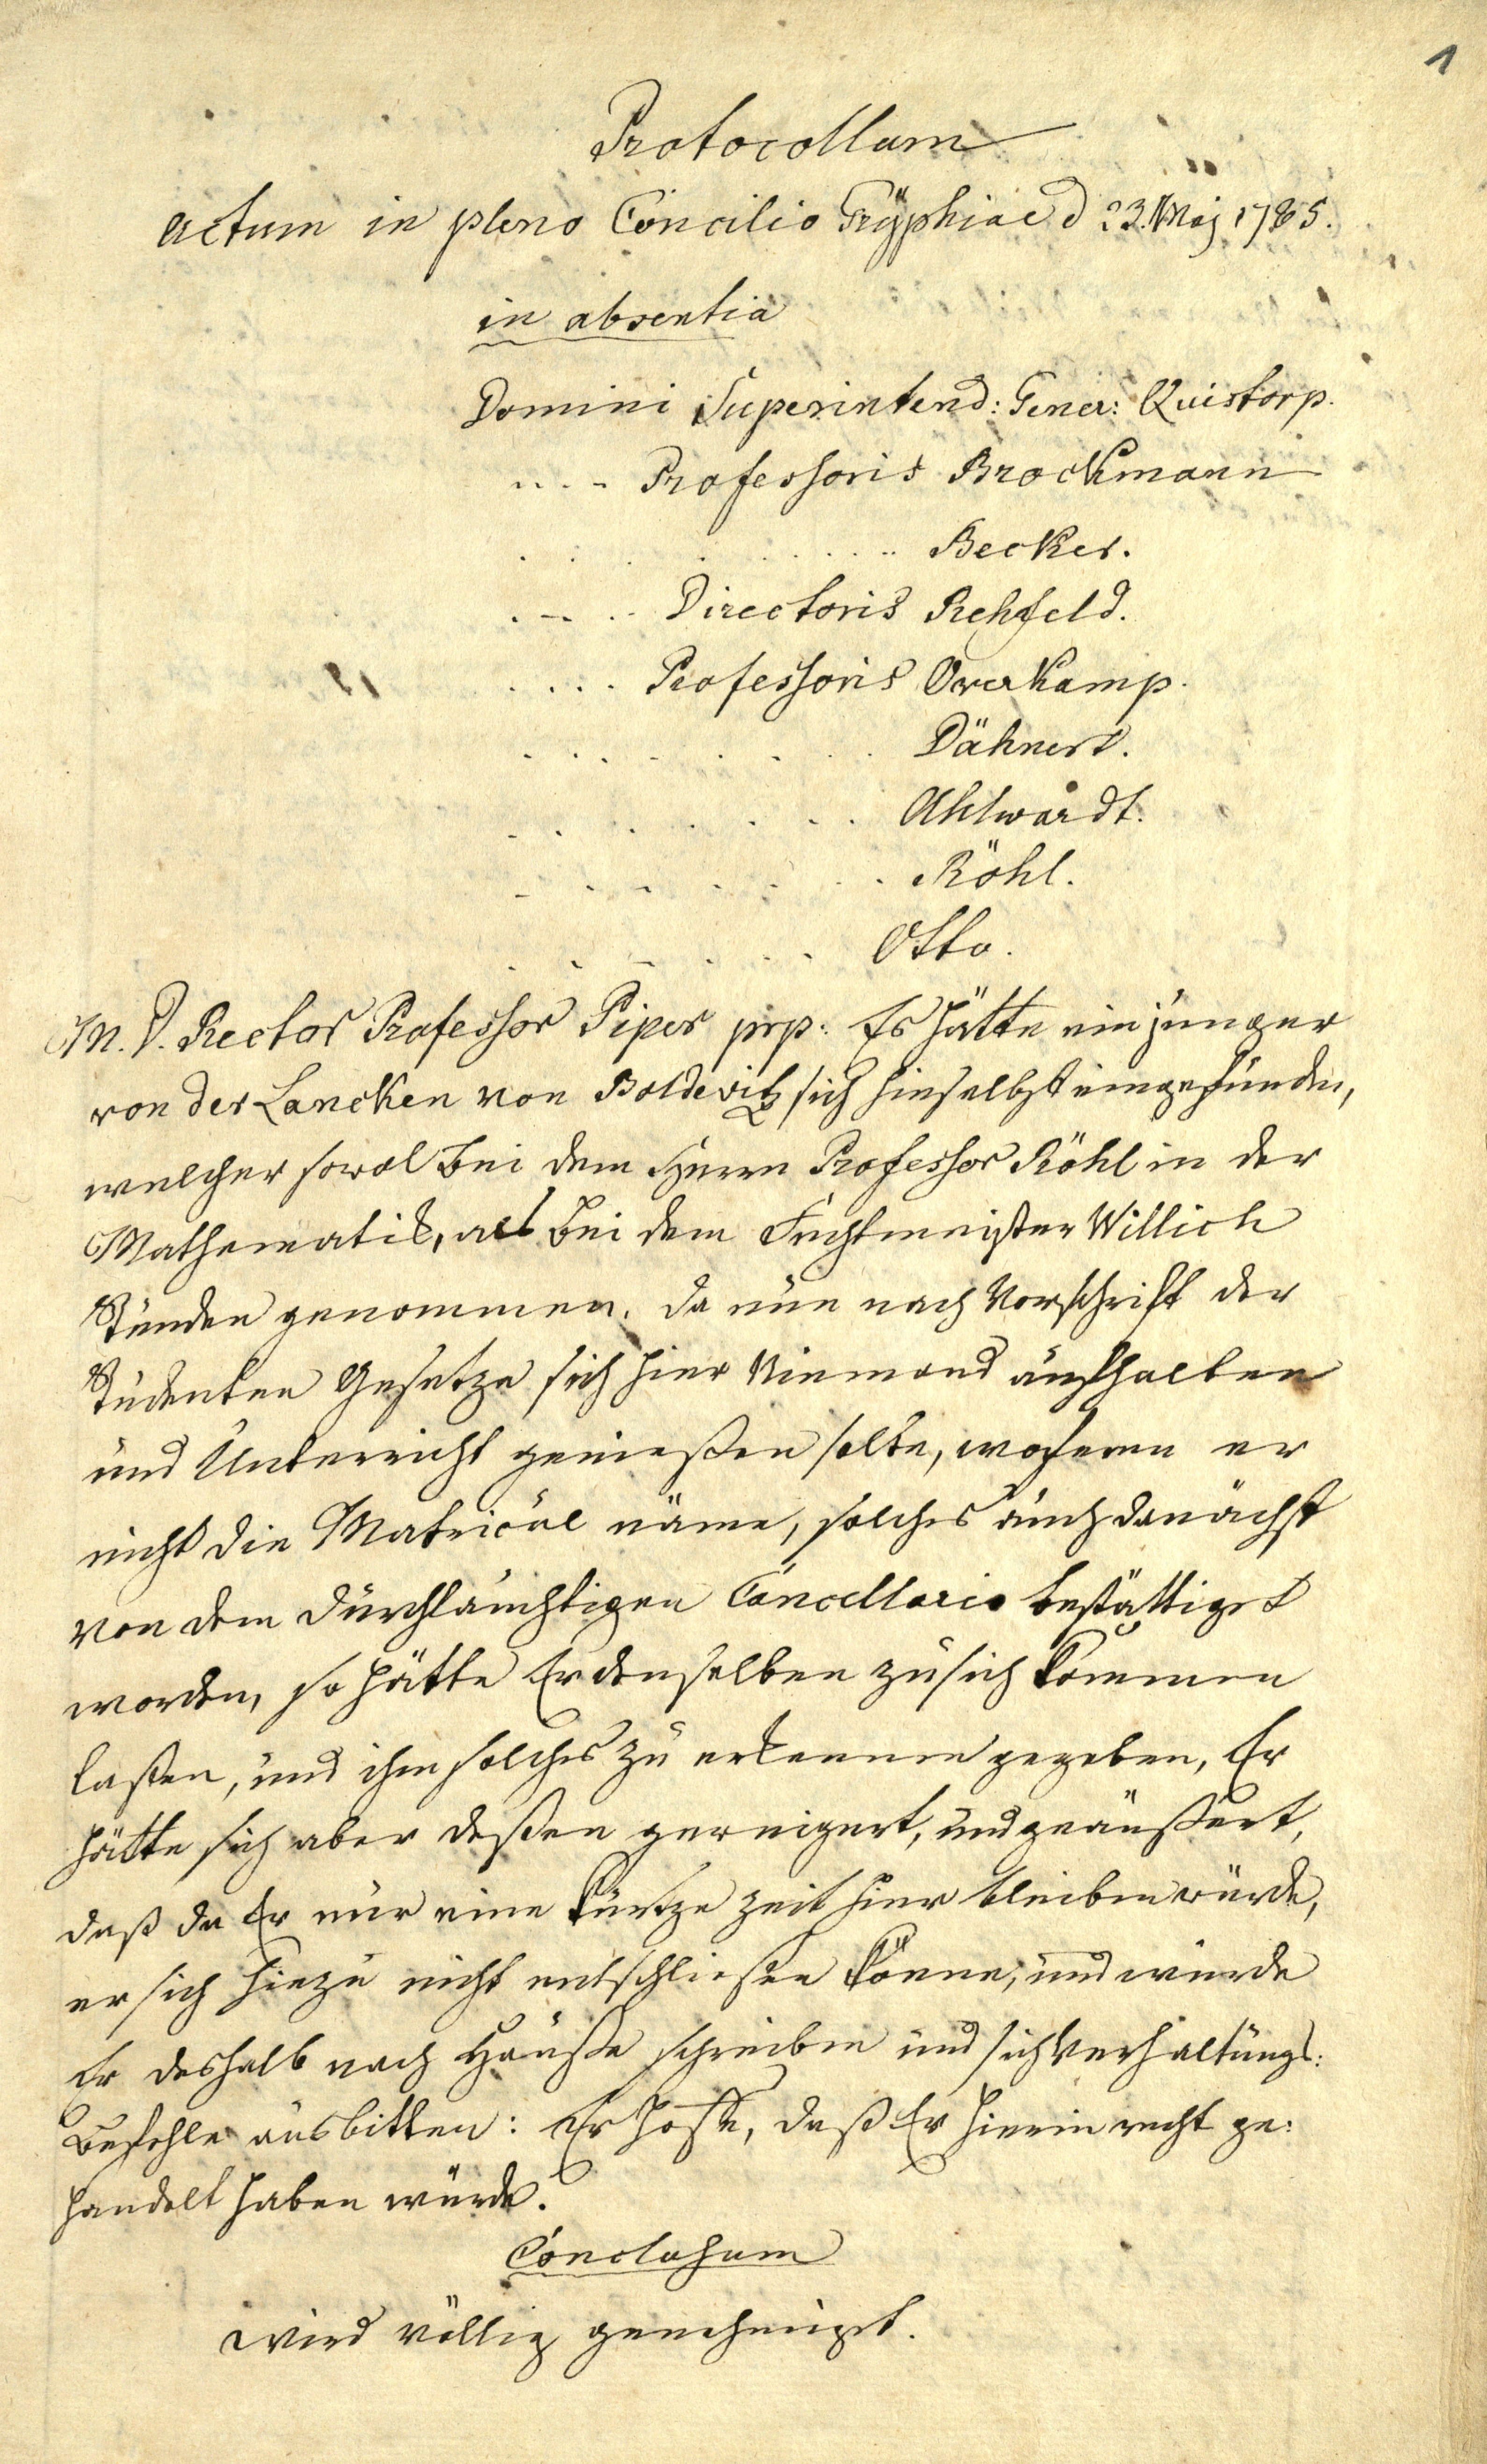Protocollum
Actum in pleno Concilio Grÿphiae d. 3. Maj 1785.
in absentia
Domini Superintend. Gener. Quistorp.
Professoris Brockmann.
Becker.
Directoris Rehfeld.
Professors Overkamp.
Dähnert.
Ahlwardt.
Röhl.
Otto.
M. D. Rector Professor Piper prp. Es hätte ein junger
von der Lancken von Boldevitz sich hieselbst eingefunden,
welcher sowohl bei dem Herrn Professor Röhl in der
Mathematik, als bei dem Fechtmeister Willich
Stunden genommen, da nun nach Vorschrift der
Studenten Gesetze sich hier Niemand aufhalten
und Unterricht genießen solte, woferne er
nicht die Matricul näme, solches auch danächst
von dem durchlauchtigen Cancellario bestättiget
worden, so hätte Er denselben zu sich kommen
laßen, und ihm solches zu erkennen gegeben, Er
hätte sich aber deßen geweigert, und geäußert
daß da Er nur eine kurze Zeit hier bleiben würde,
er sich hiezu nicht entschließen könne, und würde
Er deshalb nach Hause schreiben und sich Verhaltungs¬
Befehle ausbitten. Er hoffe, daß Er hierin recht ge¬
handelt haben würde.
Conclusum
wird völlig genehmiget.